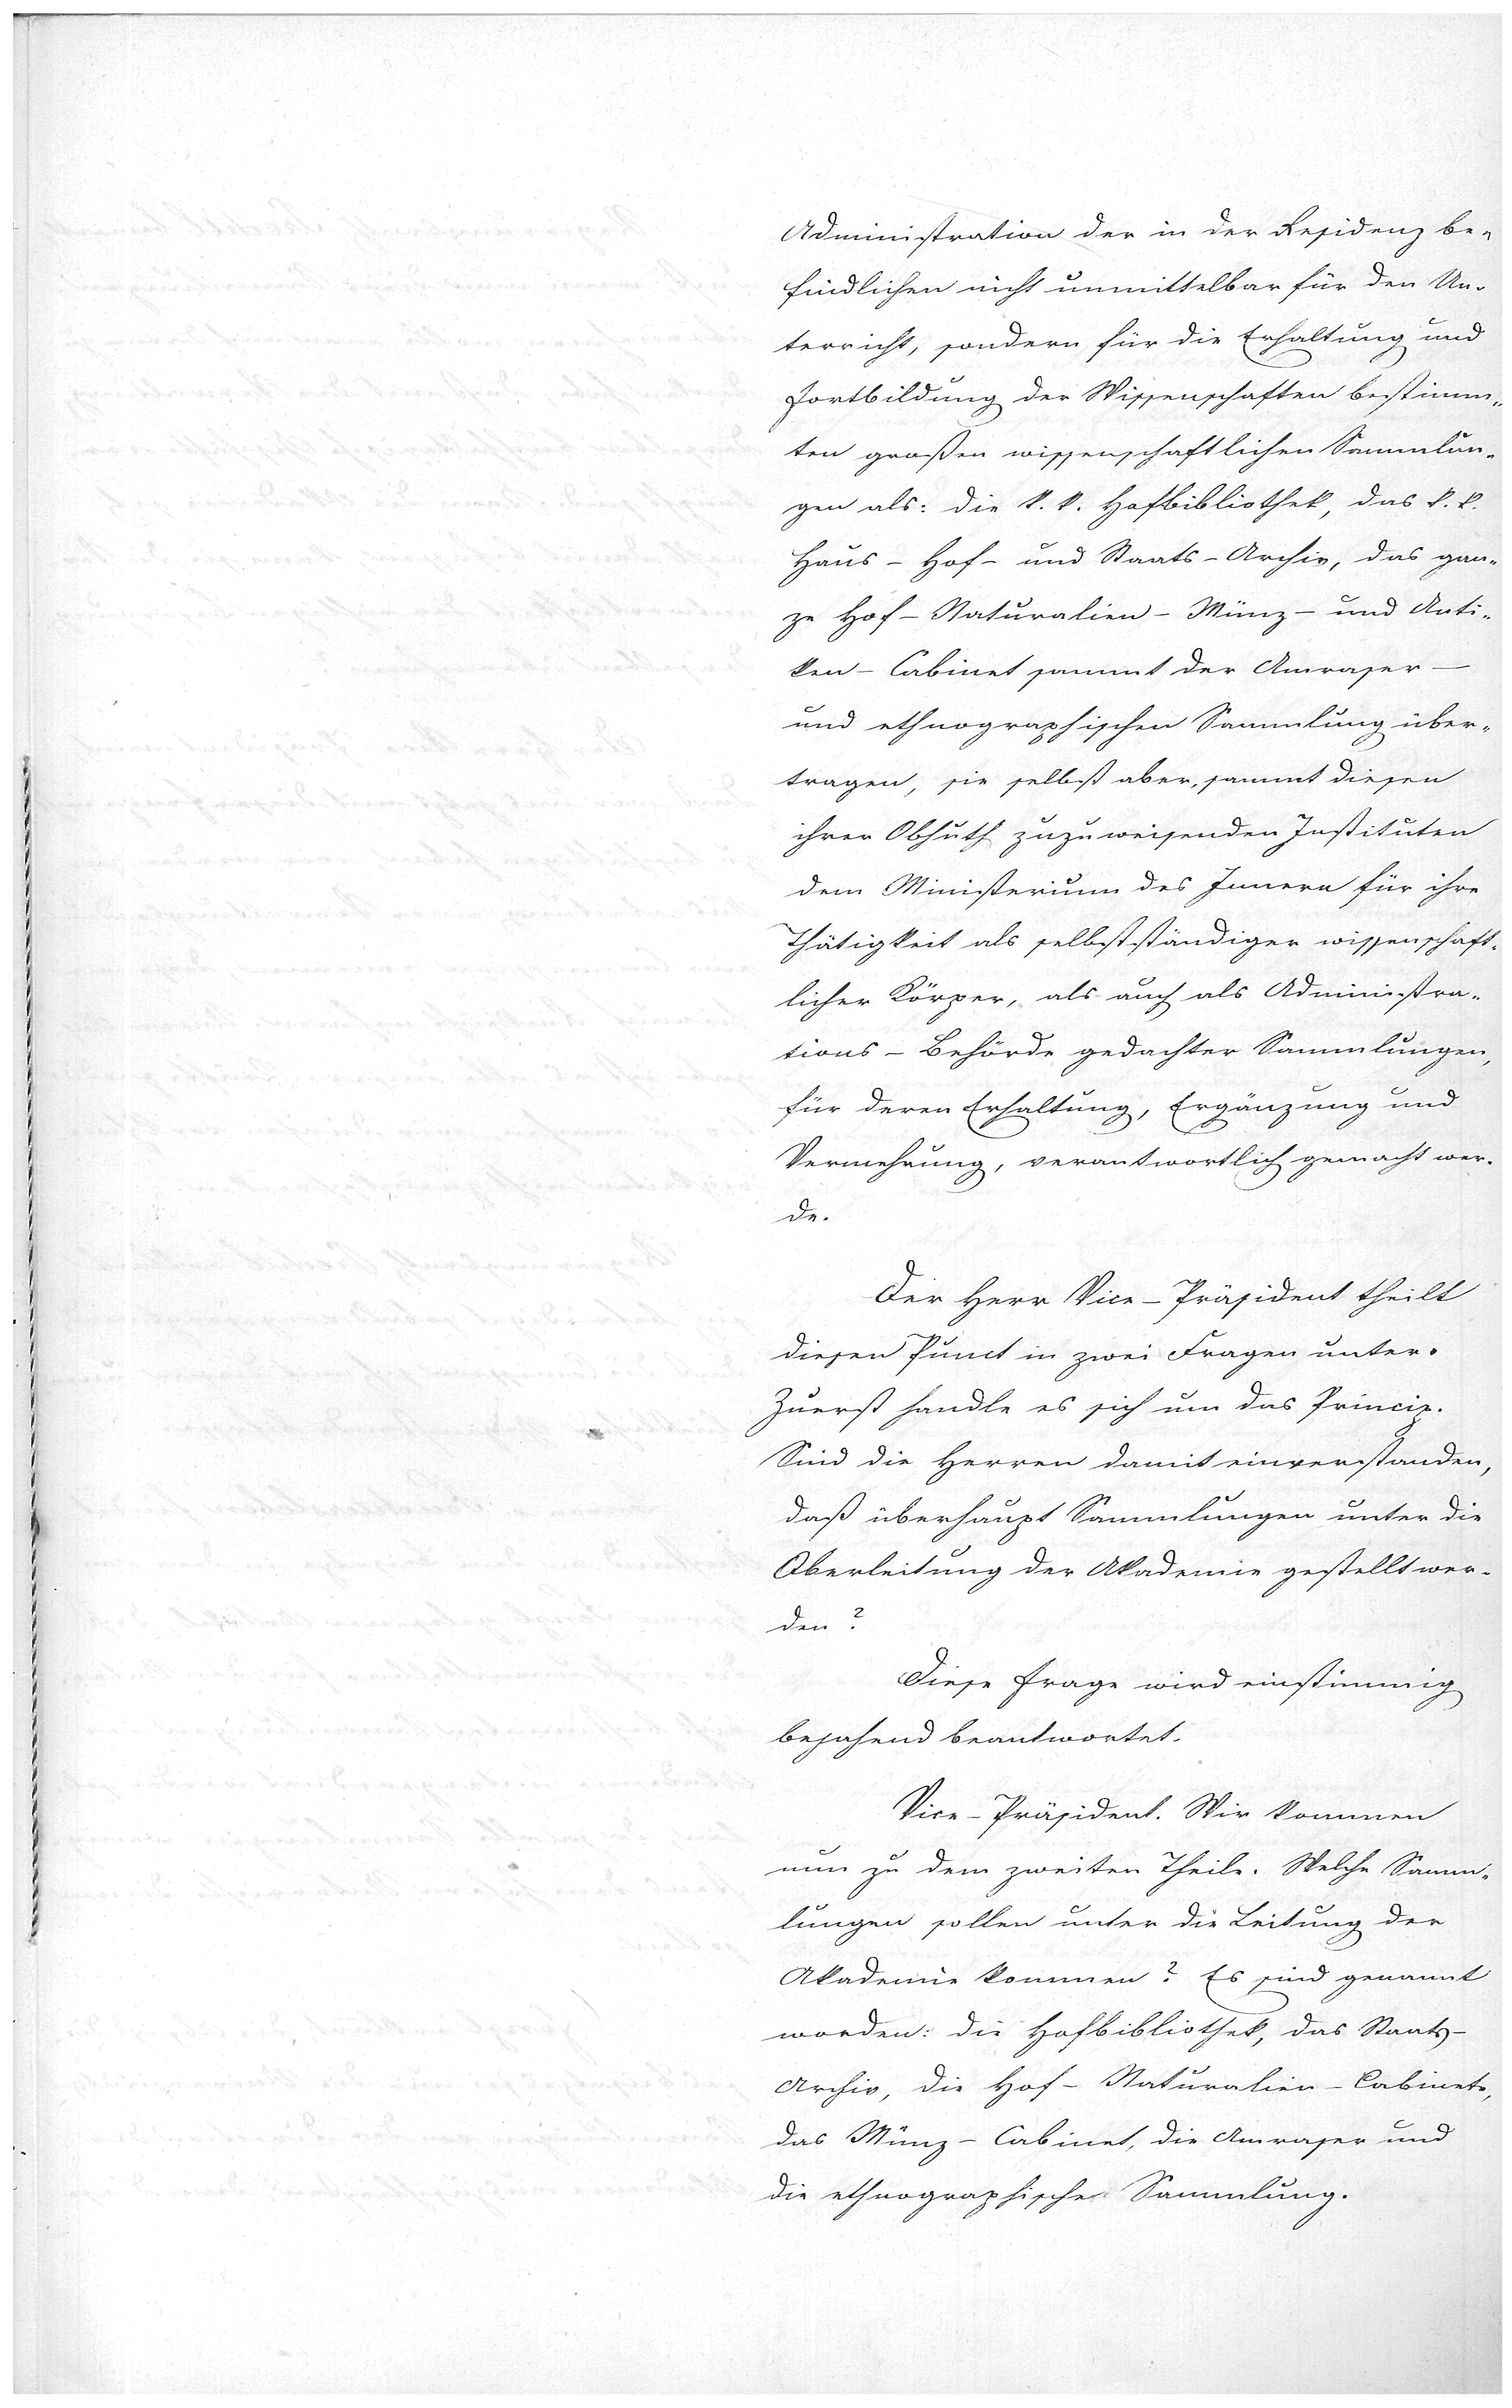Administration der in der Residenz be-
findlichen nicht unmittelbar für den Un-
terricht, sondern für die Erhaltung und
Fortbildung der Wissenschaften bestimm-
ten großen wissenschaftlichen Sammlun-
gen als: die k.k. Hofbibliothek, das k.k.
Haus-, Hof- und Staats-Archiv, das gan-
ze Hof-Naturalien-Münz- und Anti-
ken-Cabinet sammt der Amraser-
und ethnographischen Sammlung über-
tragen, sie selbst aber, sammt diesen
ihrer Obhuth zuzuweisenden Instituten
dem Ministerium des Innern für ihre
Thätigkeit als selbstständiger wissenschaft-
licher Körper, als auch als Administra-
tions-Behörde gedachter Sammlungen,
für deren Erhaltung, Ergänzung und
Vermehrung verantwortlich gemacht wer-
de.
Der Herr Vice-Präsident theilt
diesen Punct in zwei Fragen unter.
Zuerst handle es sich um das Princip.
Sind die Herren damit einverstanden,
daß überhaupt Sammlungen unter die
Oberleitung der Akademie gestellt wer-
den?
Diese Frage wird einstimmig
bejahend beantwortet.
Vice- Präsident. Wir kommen
nun zu dem zweiten Theile. Welche Samm-
lungen sollen unter die Leitung der
Akademie kommen? Es sind genannt
worden: die Hofbibliothek, das Staats-
Archiv, die Hof-Naturalien-Cabinete,
das Münz-Cabinet, die Amraser und
die ethnographische Sammlung.